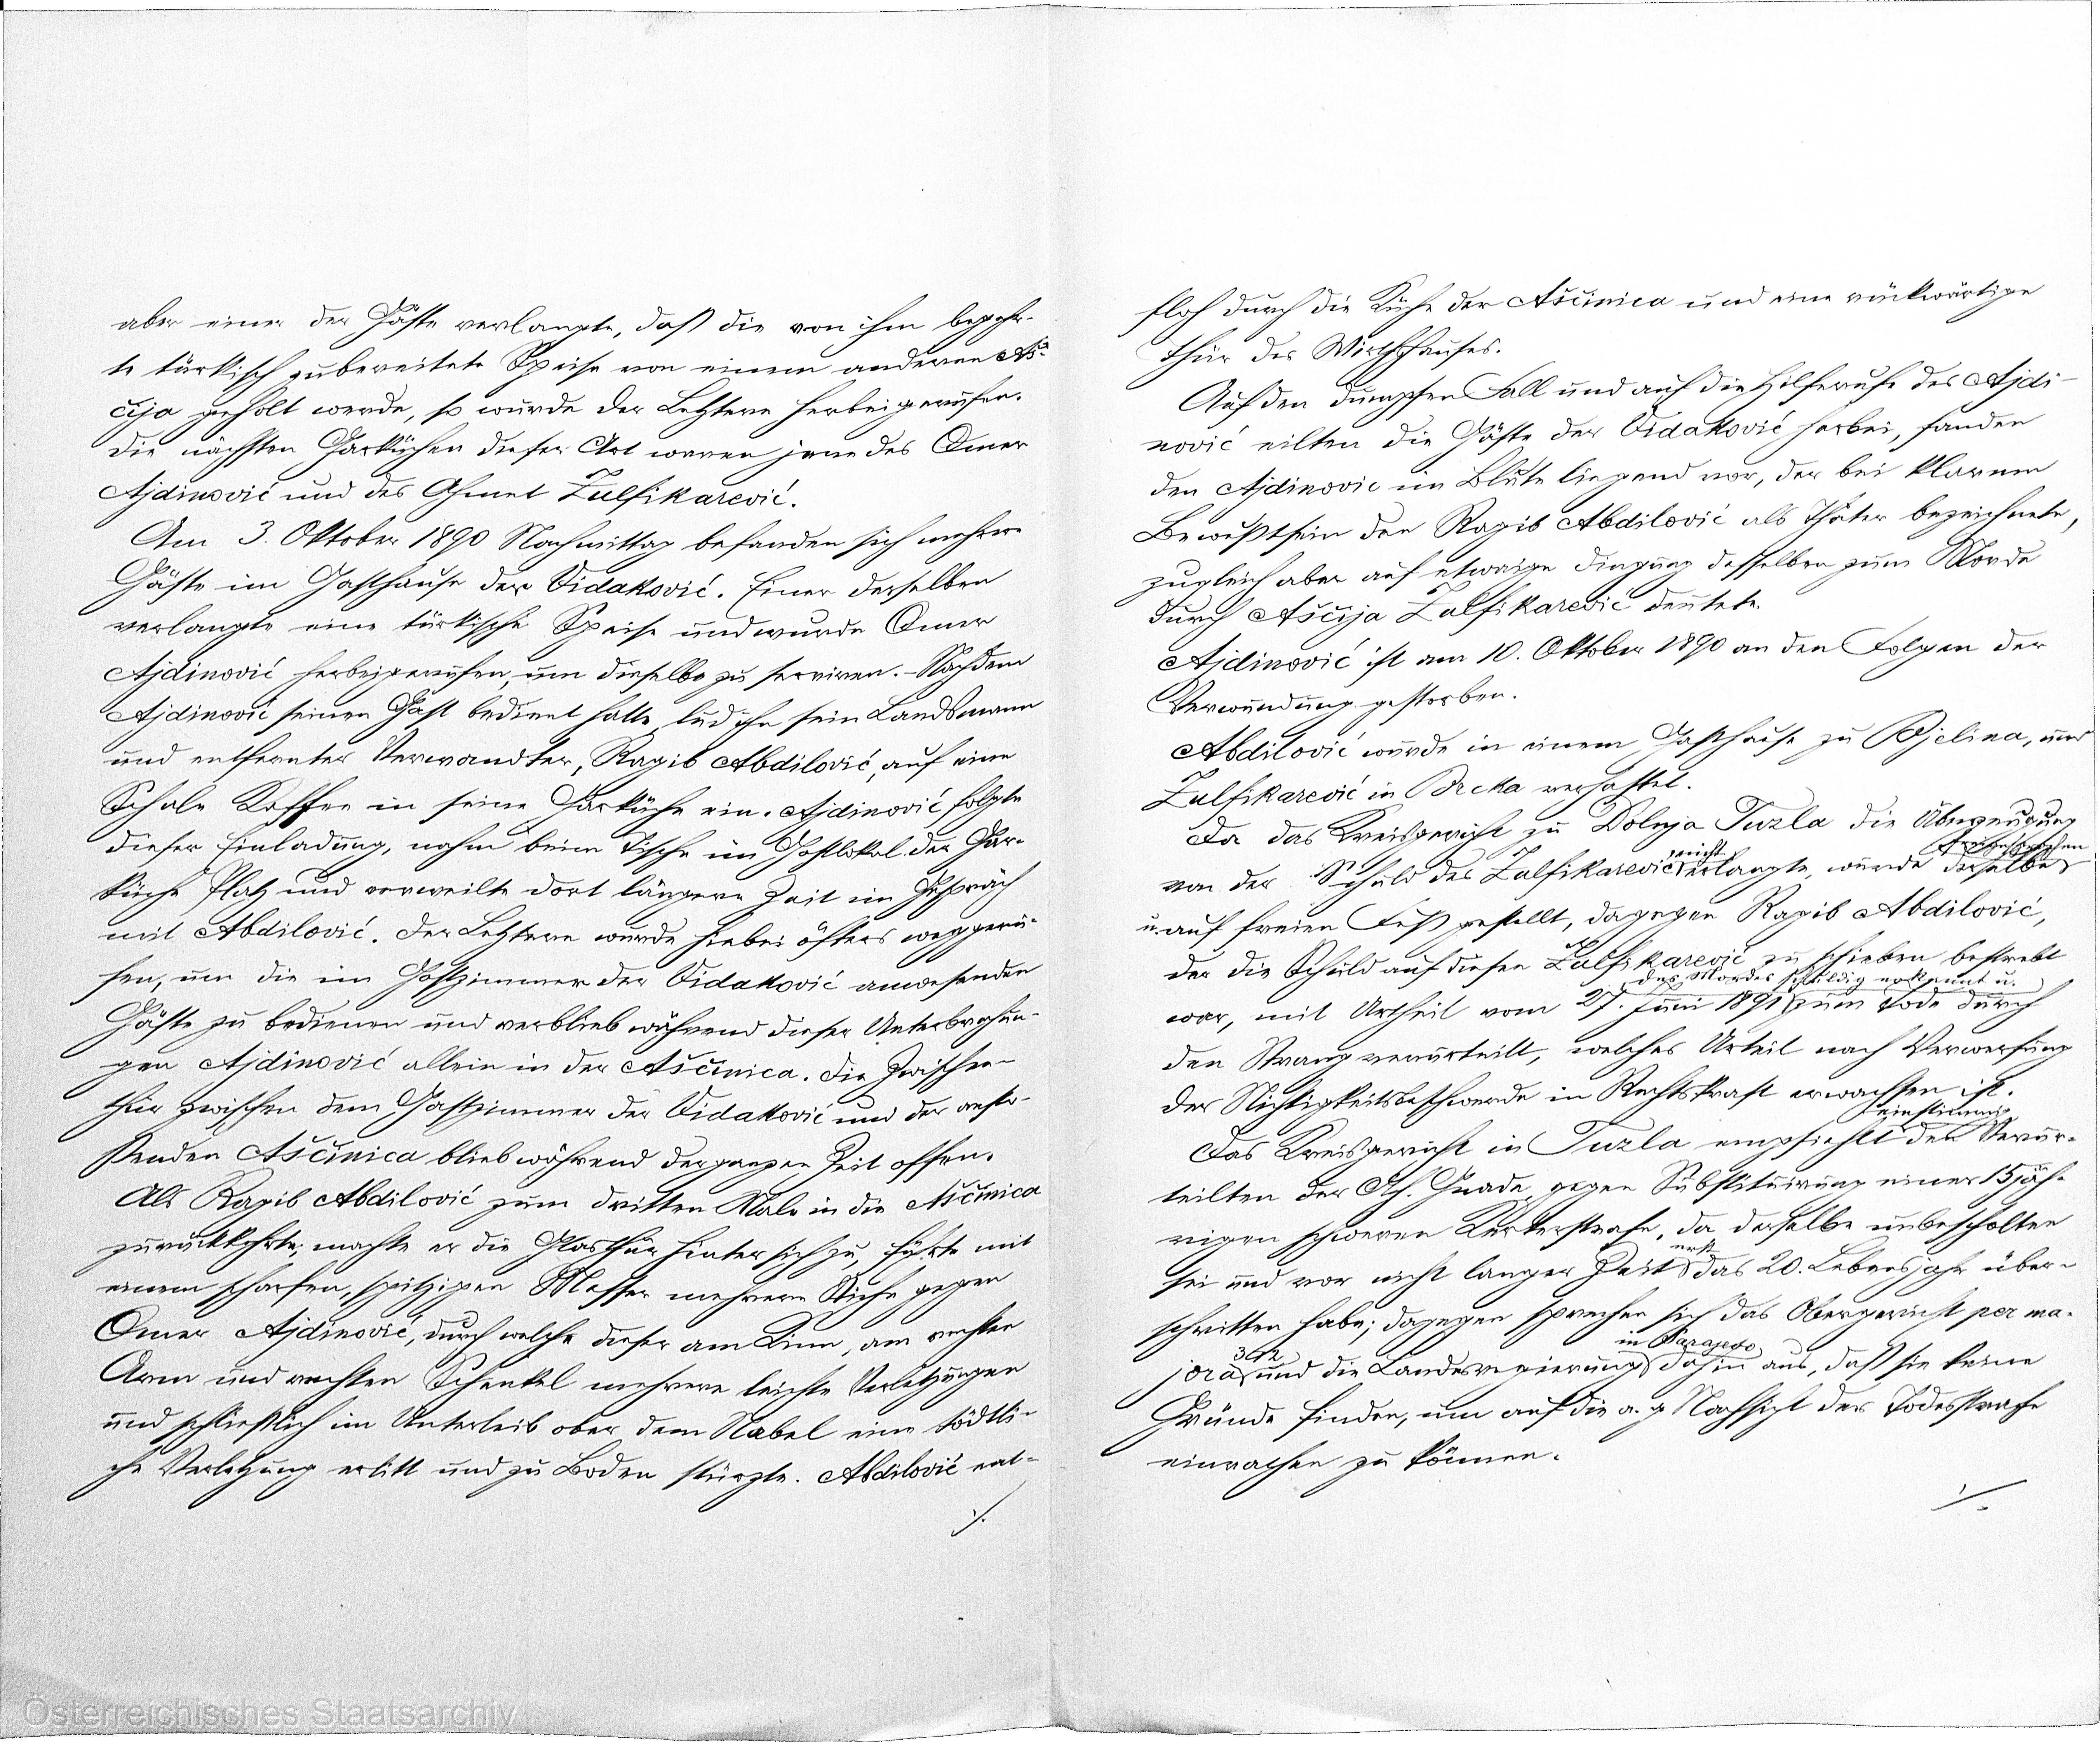aber einer der Gäste verlangte, daß die von ihm begehr¬
te türkisch zubereitete Speise von einem anderen Aš¬
čija geholt werde, so würde der Letztere herbeigerufen.
Die nächsten Garküchen dieser Art waren jene des Omar
Ajdinović und des Ahmet Zulfikarević.
Am 3. Oktober 1890 Nachmittag befanden sich mehrere
Gäste im Gasthause der Vidaković. Einer derselben
verlangte eine türkische Speise und wurde Omar
Ajdinović herbeigerufen, um dieselbe zu serviren. Nachdem
Ajdinović seinen Gast bedient hatte lud ihn sein Landsmann
und entfernter Verwandter, Ragib Abdilović, auf eine
Schale Kaffee in seine Garküche ein. Ajdinović folgte
dieser Einladung, nahm beim Tische im Gastlokal der Gar¬
küche Platz und verweilte dort längere Zeit im Gespräch
mit Abdilović. Der Letztere wurde hiebei öfters weggeris¬
sen, um die im Gastzimmer der Vidaković anwesenden
Gäste zu bedienen und verblieb während dieser Unterbrechun¬
gen Ajdinović allein in der Aščinica. Die Zwischen¬
thür zwischen dem Gastzimmer der Vidaković und der ansto¬
ßenden Aščinica blieb während der ganzen Zeit offen.
Als Ragib Abdilović zum dritten Male in die Aščinica
zurückkehrte, machte er die Glasthür hinter sich zu, führte mit
einem scharfen, spitzigen Messer mehrere Stiche gegen
Omar Ajdinović, durch welche dieser am Kinn, am rechter
Arm und rechten Schenkel mehrere leichte Verletzungen
und schließlich im Unterleib ober dem Nabel eine tödtli¬
che Verletzung erlitt und zu Boden stürzte. Abdilović ent¬
floh durch die Küche der Aščinica und eine ruuckwärtigen
Thür des Wirthshauses.
Auf den dumpfen Fall und auf die Hilferufe des Ajdi¬
nović eilten die Gäste der Vidaković herbei, fanden
den Ajdinović im Blute liegend vor, der bei klarem
Bewußtsein den Ragib Abdilović als Thäter bezeichnete,
zugleich aber auf etwaige Dingung desselben zum Morde
durch Aščija Zulfikarević deutete.
Ajdinović ist am 10. Oktober 1890 an den Folgen der
Verwundung gestorben.
Abdilović wurde in einem Gasthause zu Bjelina, und
Zulfikarević in Brcka verhaftet.
Da das Kreisgericht zu Dolnja Tuzla die Überzeugung
nicht freigesprochen
von der Schuld des Zulfikarević erlangte, wurde derselbe
u. auf freien Fuß gestellt, dagegen Ragib Abdilović,
der die Schuld auf dieser Zulfikarević zu schieben gestrebt
des Mordes schuldig erkannt u.
war, mit Urtheil vom 27. Juni 1891 zum Tode durch
den Strang verurtheilt, welches Urtheil nach Verwerfung
der Nichtigkeitsbeschwerde in Rechtskraft erwachsen ist.
einstimmig
Das Kreisgericht in Tuzla empfiehlt den Verur¬
theilten der Ah. Gnade gegen Substituirung einer 15jäh¬
rigen schweren Kerkerstrafe, da derselbe unbescholten
erst
sei und vor nicht langer Zeit das 20. Lebensjahr über¬
schritten habe; dagegen sprechen sich das Obergericht per ma¬
3>2 in Sarajevo
jora und die Landesregierung dahin aus, daß sie keine
Gründe finden, um auf die a.g. Nachsicht der Todesstrafe
einrathen zu können.